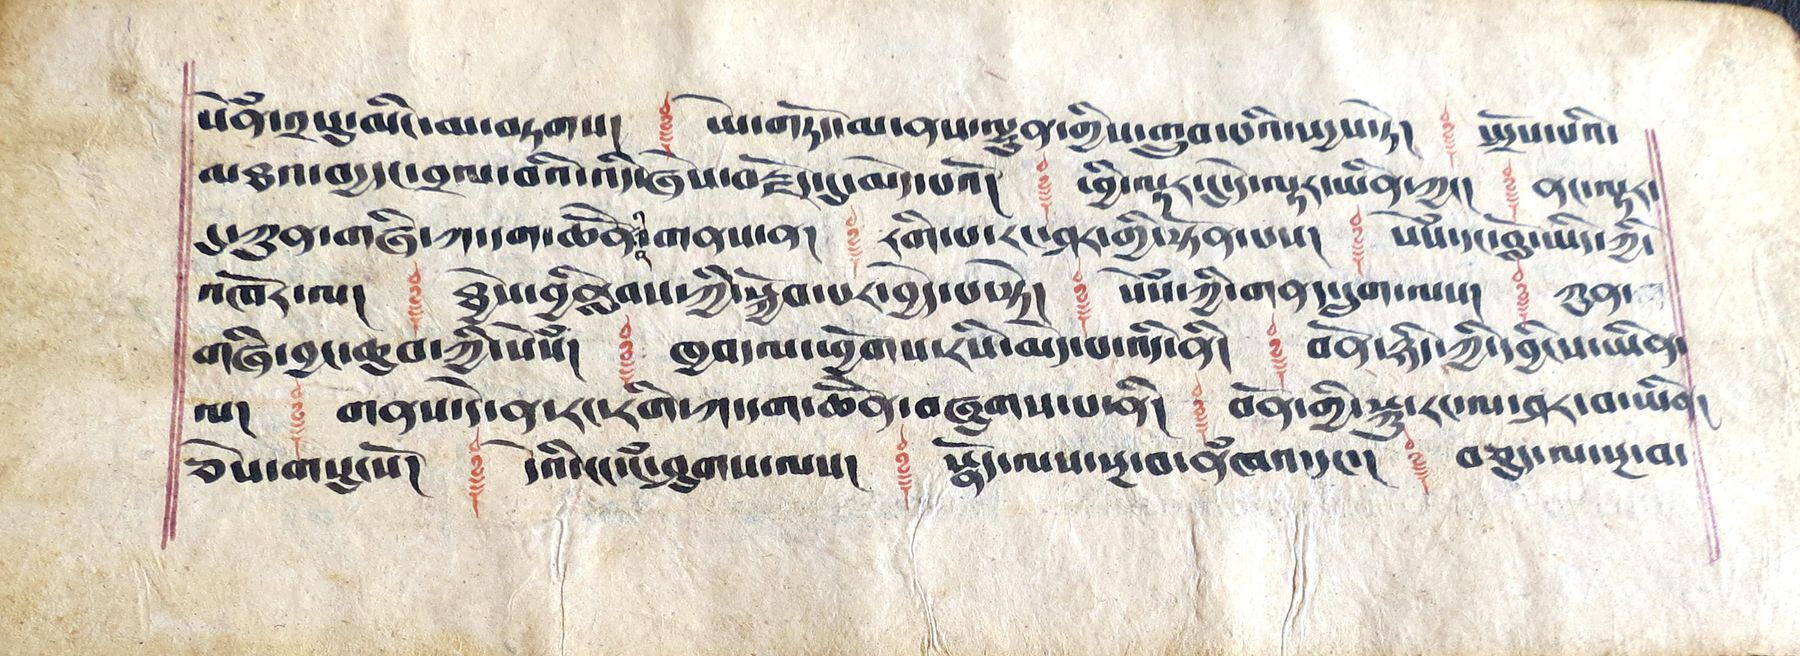སེམས་ཅན་གཉིས་སུ་མིང་མ་བཏགས། ཡེ་གདོད་མ་ནས་ལྷུན་གྱིས་གྲུབ་པའི་སངས་རྒྱས་ཏེ། སྤྲོས་པའི་
མཐའ་བརྒྱད་དང་བྲལ་བས་འདི་ཞེས་བརྗོད་དུ་མེད་པའོ། ། ཕྱི་ལྟར་དུ་དེ་ལྟར་ཡིན་ཀྱང་། ནང་ལྟར་
དུ་ཀུན་གཞི་ཀ་དག་ཆེན་པོའི་གནས་ན། རིག་པ་རང་ཤར་གྱི་སྟོན་པས། སེམས་དང་བློ་ཡིད་ཀྱི་
འཁོར་ལ། ཐུགས་རྗེ་བྱིན་རླབས་ཀྱིས་སྐྱོབ་པར་བྱེད་པ་སྟེ། སེམས་ཀྱི་གནད་དྲུག་ལས། ཀུན་
གཞི་བྱང་ཆུབ་ཀྱི་སེམས། ཁྱབ་བདལ་ཕྱོགས་རིས་མེད་པ་འདི་ནི་བོན་ཉིད་ཀྱི་དབྱིངས་ཡིན་
ལ། གནས་དེ་ན་རང་རིག་ཀ་དག་ཆེན་པོར་བཞུགས་པ་ནི། བོན་གྱི་སྐུ་རང་ལ་ཤར་བ་ཡིན། 
ཞེས་གསུངས་སོ། ། དེའི་ངང་ངམ་ཤུགས་ལས། སྣོད་ལ་སྔ་བ་ནམ་མཁའ་དང་། བཅུད་ལ་སྔ་བ་